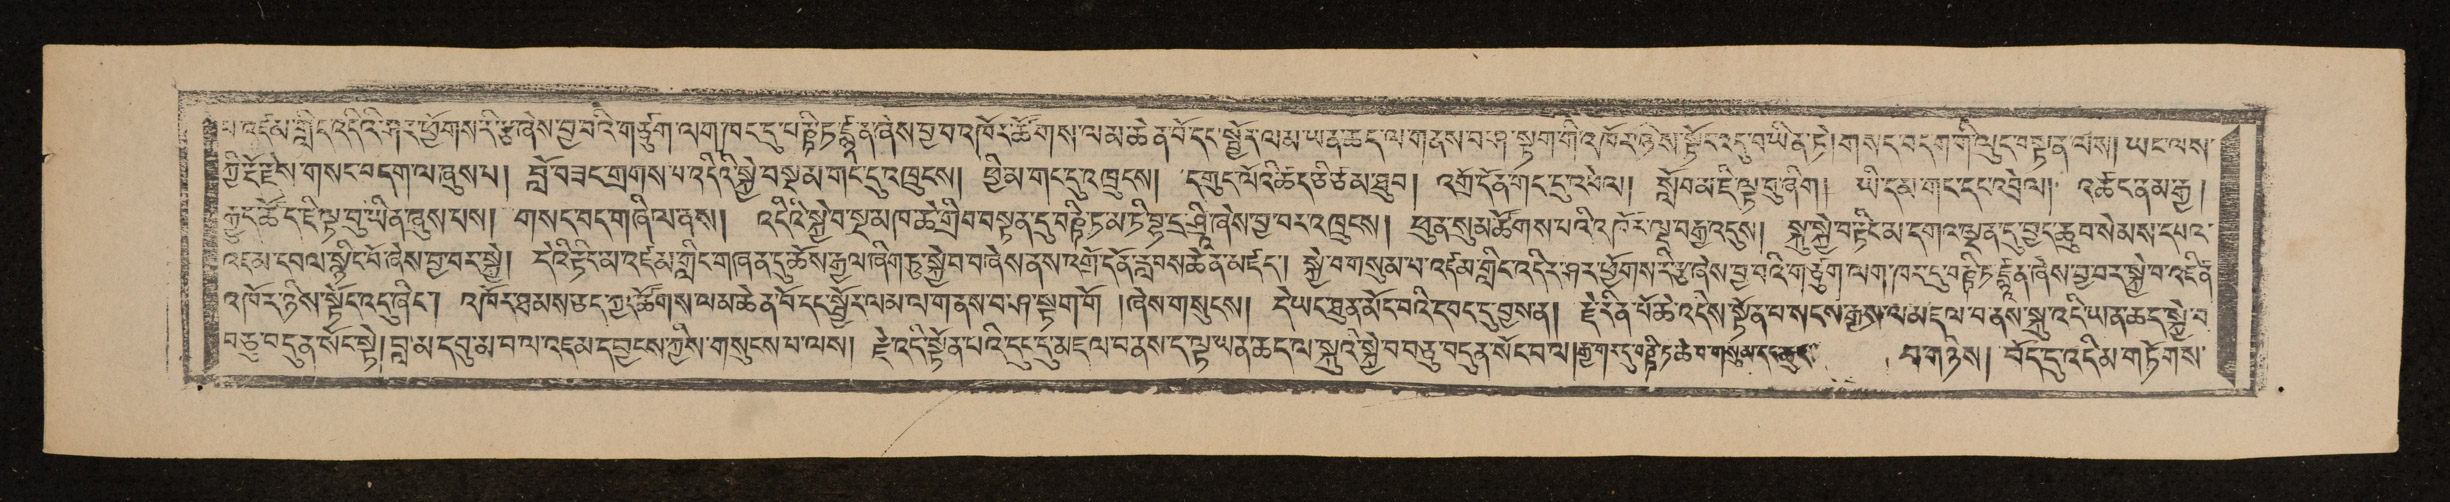པ་འཛམ་གླིང་འདིའི་ཤར་ཕྱོགས་རེ་རྩ་ཞེས་བྱ་བའི་གཙུག་ལག་ཁང་དུ་པཎྜི་ཏ་ཛྙཱ་ན་ཞེས་བྱ་བ་འཁོར་ཚོགས་ལམ་ཆེན་པོ་དང་སྦྱོར་ལམ་ཡན་ཆད་ལ་གནས་པ་ཤ་སྟག་གི་འཁོར་ཉིས་སྟོང་འདུ་བ་ཡིན་ཏེ། གསང་བདག་གི་ལུང་བསྟན་ལས། ཡང་ལས་
ཀྱི་རྡོ་རྗེས་གསང་བདག་ལ་ཞུས་པ། བློ་བཟང་གྲགས་པ་འདིའི་སྐྱེ་བ་སྔ་མ་གང་དུ་འཁྲུངས། ཕྱི་མ་གང་དུ་འཁྲུངས། དགུང་ལོའི་ཚད་ཅི་ཙམ་ཐུབ། འགྲོ་དོན་གང་དུ་འཕེལ། སློབ་མ་ཇི་ལྟ་བུ་ཞིག། ཡི་དམ་གང་དང་འབྲེལ། འཚང་ནམ་རྒྱ།
རྒྱུད་ཚོད་ཇི་ལྟ་བུ་ཡིན་ཞུས་པས། གསང་བདག་གི་ཞལ་ནས། འདིའི་སྐྱེ་བ་སྔ་མ་ཁ་ཆེ་གྲིབ་བསྟན་དུ་པཎྜི་ཏ་མ་ཏི་བྷ་དྲ་ཤྲཱི་ཞེས་བྱ་བར་འཁྲུངས། ཕུན་སུམ་ཚོགས་པའི་འཁོར་ལྔ་བརྒྱ་འདུས། སྐུ་སྐྱེ་བརྟིང་མ་དགའ་ལྡན་དུ་བྱང་ཆུབ་སེམས་དཔའ་
འཇམ་དཔལ་སྙིང་པོ་ཞེས་བྱ་བར་སྐྱེ། དེའི་རྟིང་མ་འཛམ་གླིང་གཞན་དུ་ཆོས་རྒྱལ་ཞིག་ཏུ་སྐྱེ་བ་བཞེས་ནས་འགྲོ་དོན་རླབས་ཆེན་མཛད། སྐྱེ་བ་གསུམ་པ་འཛམ་གླིང་འདིར་ཤར་ཕྱོགས་རི་རྩ་ཞེས་བྱ་བའི་གཙུག་ལག་ཁང་དུ་པཎྜི་ཏ་ཛྙཱ་ན་ཞེས་བྱ་བར་སྐྱེ་བ་འཛིན།
འཁོར་ཉིས་སྟོང་འདུ་ཞིང་། འཁོར་ཐམས་ཅད་ཀྱང་ཚོགས་ལམ་ཆེན་པོ་དང་སྦྱོར་ལམ་ལ་གནས་པ་ཤ་སྟག་གོ །ཞེས་གསུངས། དེ་ཡང་ཐུན་མོང་བའི་དབང་དུ་བྱས་ན། རྗེ་རིན་པོ་ཆེ་འདིས་སྟོན་པ་སངས་རྒྱས་ལ་མཇལ་བ་ནས་སྐུ་འདི་ཡན་ཆད་སྐྱེ་བ་
བཅུ་བདུན་སོང་སྟེ། བླ་མ་དབུ་མ་པ་ལ་འཇམ་དབྱངས་ཀྱིས་གསུངས་པ་ལས། རྗེ་འདི་སྟོན་པའི་དྲུང་དུ་མཇལ་བ་ནས་ད་ལྟ་ཡན་ཆད་ལ་སྐུའི་སྐྱེ་བ་བཅུ་བདུན་སོང་བ་ལ། རྒྱ་གར་དུ་པཎྜིཏ་ཆེ་བ་གསུམ་དང་ཆུང་བ་གཉིས། བོད་དུ་འདི་མ་གཏོགས་